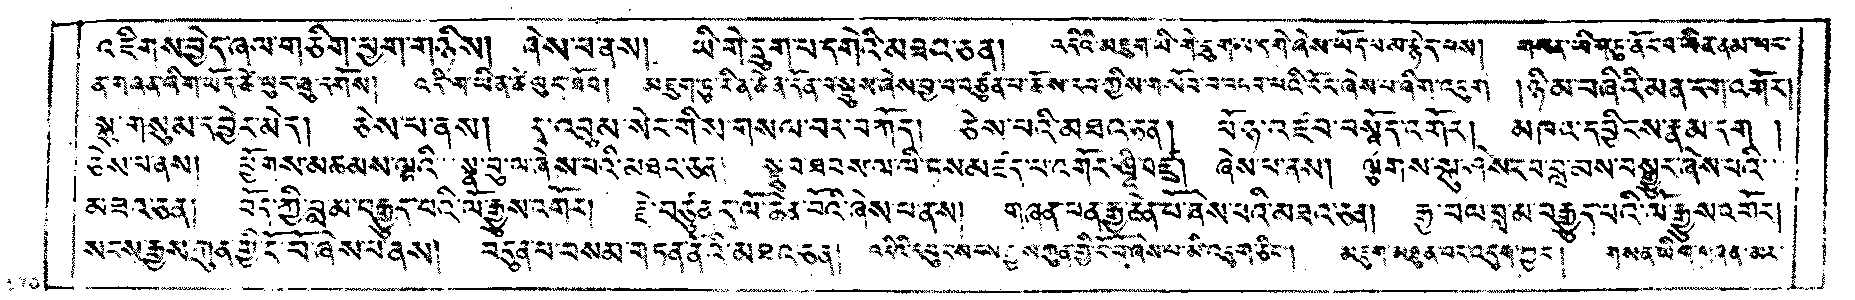འཇིགས་བྱེད་ཞལ་གཅིག་ཕྱག་གཉིས། ཞེས་པ་ནས། ཡི་གེ་དྲུག་པ་དགེའི་མཐའ་ཅན། འདིའི་མཇུག་ཡི་གེ་དྲུག་པ་དགེ་ཞེས་ཡོད་པ་མ་རྙེད་པས། གསན་ཡིག་ཏུ་ནོར་བ་ཡིན་ནམ་ཡང་
ན་གཞན་ཞིག་ཡོད་ཚེ་ལུང་ཞུ་དགོས། འདི་ག་ཡིན་ཚེ་ལུང་ཐོབ། མཇུག་ཏུ་རིན་ཆེན་དོན་བསྡུས་ཞེས་བྱ་བ་བཙུན་པ་ཆོས་རབ་ཀྱིས་གསོལ་བ་བཏབ་པའི་ངོར་ཞེས་པ་ཞིག་འདུག །ཉི་མ་བཞིའི་མན་ངག་འགོར།
སྐུ་གསུམ་དབྱེར་མེད། ཅེས་པ་ནས། རྭ་འབུམ་སེང་གིས་གསལ་བར་བཀོད། ཅེས་པའི་མཐའ་ཅན། ཕོ་ཉ་འཛབ་བསྟོད་འགོར། མཁའ་དབྱིངས་རྣམ་དག །
ཅེས་པ་ནས། ཕྱོགས་མཚམས་ལྷའི་སྣ་བུ་ལ་ཞེས་པའི་མཐའ་ཅན། སྒྲུབ་ཐབས་ལ་ལི་ཏས་མཛད་པ་འགོར་ཤྲཱི་བཛྲ། ཞེས་པ་ནས། ལྕགས་སྐུ་ཤེས་རབ་བླ་མས་བསྒྱུར་ཞེས་པའི་
མཐའ་ཅན། བོད་ཀྱི་བླ་མ་བརྒྱུད་པའི་ལོ་རྒྱུས་འགོར། རྗེ་བཙུན་རྭ་ལོ་ཆེན་པོའི་ཞེས་པ་ནས། གཞན་ཕན་རྒྱ་ཆེན་པོ་ཞེས་པའི་མཐའ་ཅན། རྒྱ་བལ་བླ་མ་བརྒྱུད་པའི་ལོ་རྒྱུས་འགོར།
སངས་རྒྱས་ཀུན་གྱི་ངོ་བོ་ཞེས་པ་ནས། བདུན་པ་བསམ་གཏན་ནོའི་མཐའ་ཅན། འདིའི་དབུར་སངས་རྒྱས་ཀུན་གྱི་ངོ་བོ་ཞེས་པ་མི་འདུག་ཅིང་། མཇུག་མཐུན་པར་འདུག་ཀྱང་། གསན་ཡིག་གཞན་མར་